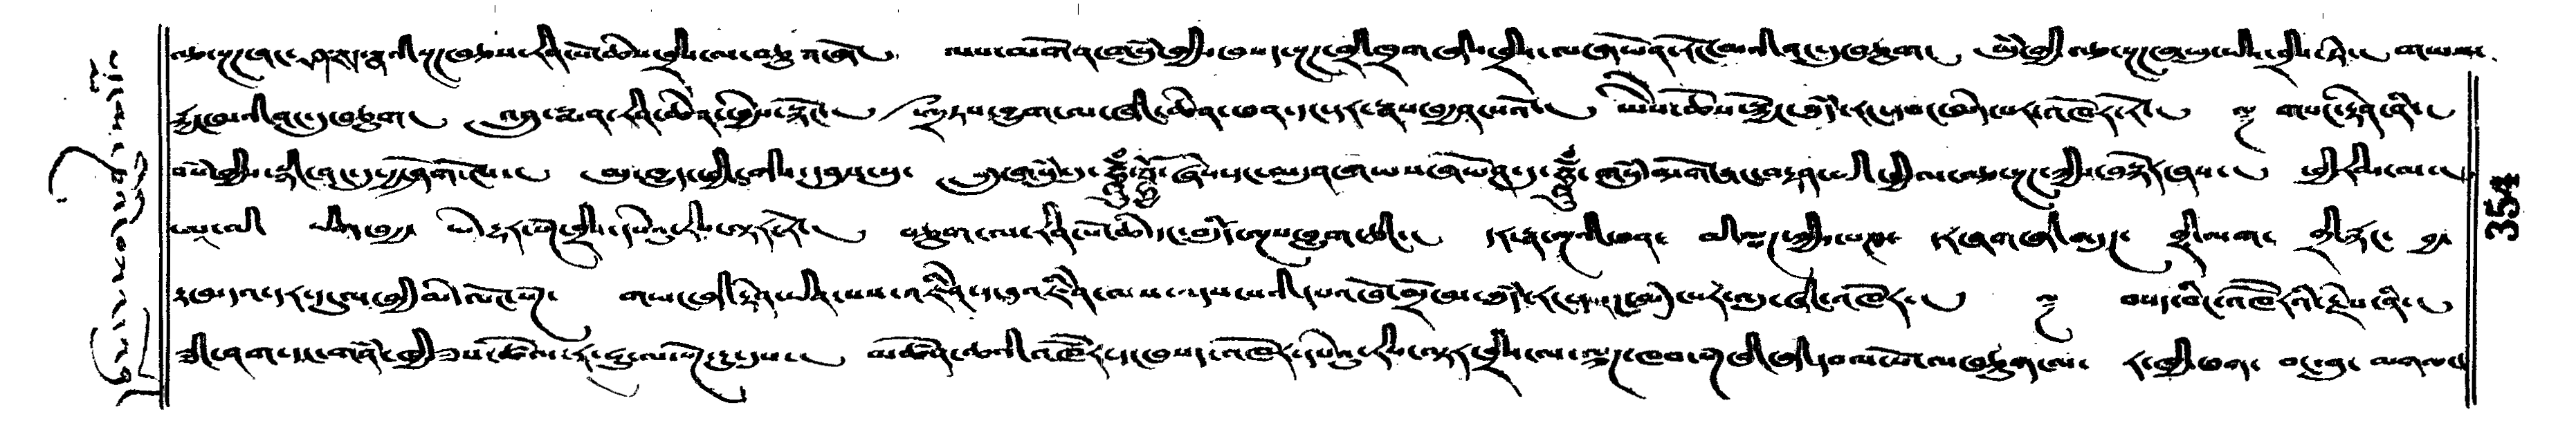རྩ་སྔགས་ནང་ཤ་ས་ན འི་སྔགས་བཅས་རིན་པོ་ཆེས་བྲིས་ལ་བཅུག་གོ ལས་མགོན་གསུམ་གྱི་བསད་སྔགས་གྲི་ཁྲག་གིས་བྲིས་ལ་གཡོན་རོ་མའི་ནང་དུ་བཅུག ཡུམ་གྱི་རྩ་སྔགས་གཡུ་ཡིས་བྲིས་ཏེ་གཡས་
རྐྱང་མའི་ནང་དུ་བཅུག འབྲུ་སྨན་རིན་ཆེན་ཕྱེས་སྐོང་ཨྲྀཏ ས་བྱུགས་ལ་ཞིང་ཆེན་ཕན་དང་དར་སྣས་བརྒྱན་པའོ། །ཡེ་ཤེས་ཆོས་སྐྱོང་ཐམས་ཅད་རང་དབང་མེད་པར་འཁོར་རོ། ། ༈ གསང་རྟེན་ནི། 
བསམ་གྱི་སྙིང་ནང་དུ་རྒྱ་ཤོག་ངོས་མུ་ཁྱུད་ཕྱིང་གི་དབུས་སུ། གྲུ་གསུམ་དུ་ཧཱུྃ་བྷྱོ་ཞེས་དང་མདུན་གཡས་གཡོན་དུ་ཧཱུྂ་གསུམ་མགོ་ནང་བསྟན་པའི་ཕྱི་ལ་རྩ་སྔགས་ཀྱིས་བསྐོར་ནས། ཕྱི་རིམ་ལ་
ཨཱ་ལི། ཡིག་བརྒྱ། ཡེ་དྷར་སོགས་བྲིས་དཔེའུ་རིས་ལྟར་བཅུག་ལ་རིན་པོ་ཆེ་དང་བདུད་རྩི་ལྔས་བྱུག་ཅིང་།དར་སྣ་ལྔའི་ཕན། མི་ལྤགས་ཀྱི་པཎ། དར་ནག་གི་གདུགས། གྲི་ལག གྲི་རྐང་། བྱ་
རྟ་མདའ་དར་དངུལ་གྱི་མེ་ལོང་སོགས། གཡང་གི་རྟེན་ཡིན་པས་འཇིག་རྟེན་དང་འཇིག་རྟེན་ལས་འདས་པའི་དཔའ་བོ་མཁའ་འགྲོ་མ་ཐམས་ཅད་རང་དབང་མེད་པར་འདུ་ཞིང་འཁོར། ༈ བསད་བིང་འཁོར་ལོའི་རྗེས་ནི། 
ཟིང་ནག་དང་གནམ་ཁྱི་ཟས་འཚོལ་ར་ཧུ་ལ་སོགས་རྒྱུ་དུས། མཚོན་ཆའི་འཁོར་ལོ་དང་བསད་འཁོར་དཔེའུ་རིས་ལྟར་བྲིས་ལ་ལྕགས་ཁབ་སོགས་བིང་གི་དབལ་སོ་ལ་བཅུག་ལ། ར་ཁྱི་ཕག བོང་བུ། མགལ་